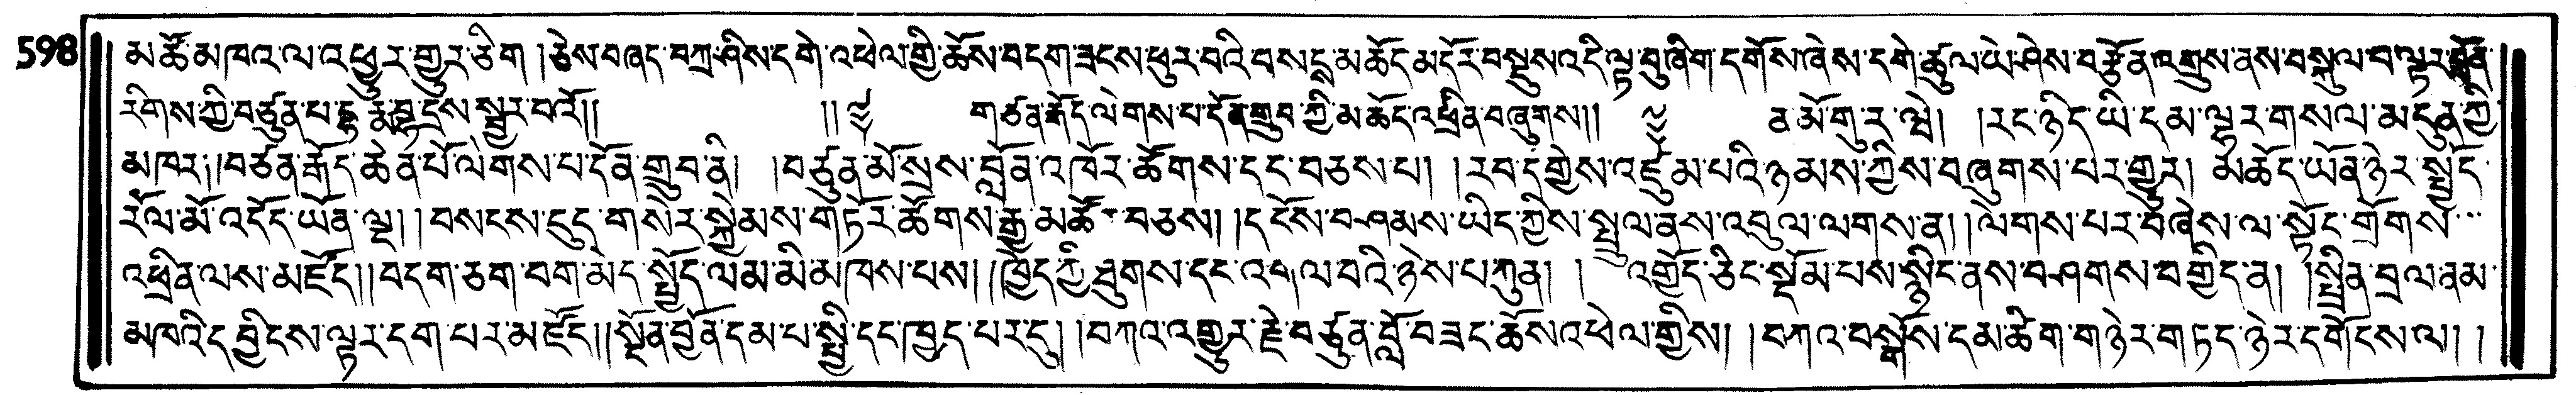མཚོ་མཁའ་ལ་འཕྱུར་གྱུར་ཅིག །ཅེས་བཞད་བཀྲ་ཤིས་དགེ་འཕེལ་གྱི་ཆོས་བདག་ཟངས་ཕུར་བའི་བསངས་མཆོད་མདོར་བསྡུས་འདི་ལྟ་བུ་ཞིག་དགོས་ཞེས་དགེ་ཚུལ་ཡེ་ཤེས་བརྩོན་འགྲུས་ནས་བསྐུལ་བ་ལྟར་བློན་
རིགས་ཀྱི་བཙུན་པ་དྷ་རྨབྷ་དྲས་སྦྱར་བའོ།། །། འ་གཙན་རྒོད་ལེགས་པ་དོན་གྲུབ་ཀྱི་མཆོད་འཕྲིན་བཞུགས།། འ་ན་མོ་གུ་ར་ཝེ། །རང་ཉིད་ཡི་དམ་ལྷར་གསལ་མདུན་ཀྱི་
མཁར༑ །བཙན་རྒོད་ཆེན་པོ་ལེགས་པ་དོན་གྲུབ་ནི། །བཙུན་མོ་སྲས་བློན་འཁོར་ཚོགས་དང་བཅས་པ། །རབ་དགྱེས་འཛུམ་པའི་ཉམས་ཀྱིས་བཞུགས་པར་གྱུར། མཆོད་ཡོན་ཉེར་སྤྱོད་
རོལ་མོ་འདོད་ཡོན་ལྔ། །བསངས་དུད་གསེར་སྐྱེམས་གཏོར་ཚོགས་རྒྱ་མཚོར་བཅས། །དངོས་བཤམས་ཡིད་ཀྱིས་སྤྲུལ་ནས་འབུལ་ལགས་ན། །ལེགས་པར་བཞེས་ལ་སྟོང་གྲོགས་་་
འཕྲིན་ལས་མཛོད། །བདག་ཅག་བག་མེད་སྤྱོད་ལམ་མི་མཁས་པས། །ཁྱེད་ཀྱི་ཐུགས་དང་འགལ་བའི་ཉེས་པ་ཀུན། །འགྱོད་ཅིང་སྡོམ་པས་སྙིང་ནས་བཤགས་བགྱིད་ན། །སྤྲིན་བྲལ་ནམ་
མཁའི་དབྱིངས་ལྟར་དག་པར་མཛོད། །སྔོན་བྱོན་དམ་པ་སྤྱི་དང་ཁྱད་པར་དུ། །བཀའ་འགྱུར་རྗེ་བཙུན་བློ་བཟང་ཆོས་འཕེལ་གྱིས། །བཀའ་བསྒོས་དམ་ཚིག་གཉེར་བཏད་ཉེར་དགོངས་ལ། །